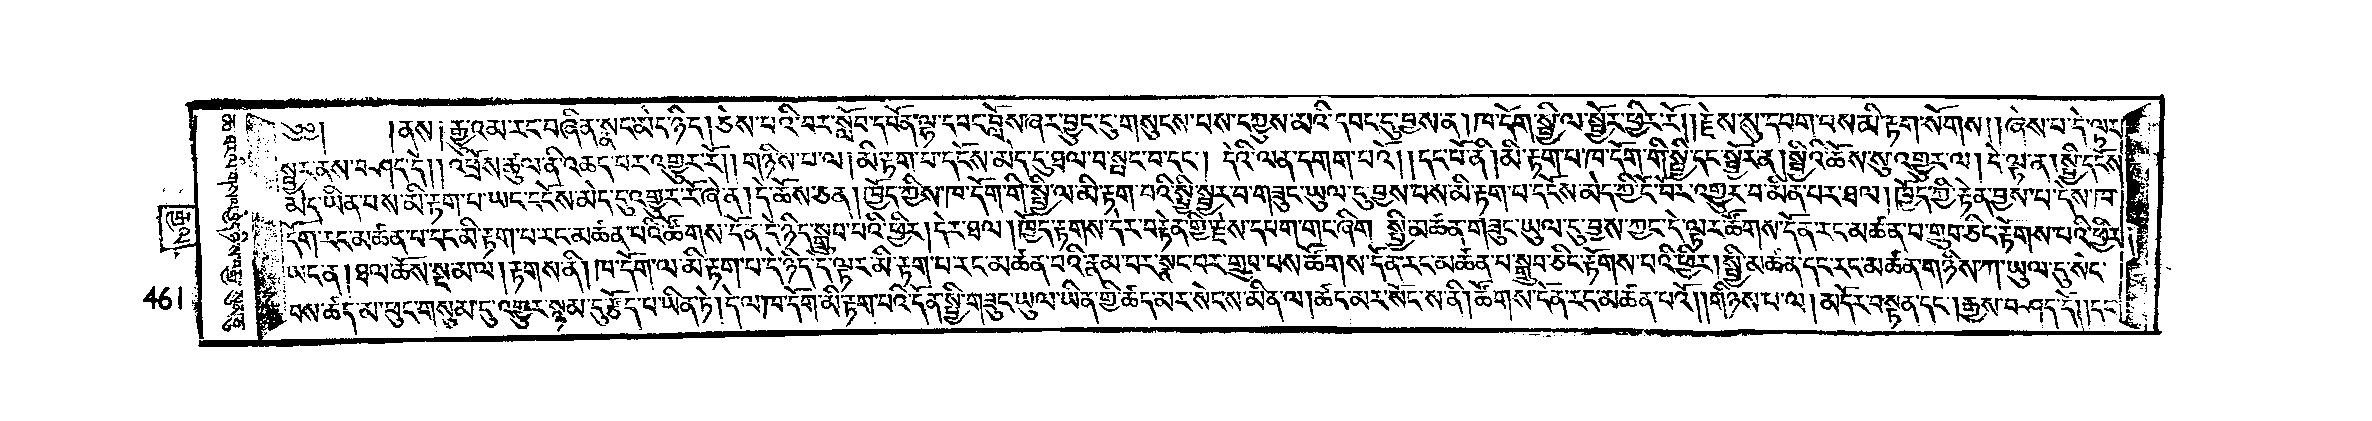༄༅། །ནས། རྒྱུ་འམ་རང་བཞིན་སྣང་མེད་ཉིད། ཅེས་པའི་བར་སློབ་དཔོན་ལྷ་དབང་བློས་ཞར་བྱུང་ངུ་གསུངས་པས་དཀྱུས་མའི་དབང་དུ་བྱས་ན། ཁ་དོག་སྤྱི་ལ་སྦྱོར་ཕྱིར་རོ། །རྗེས་སུ་དཔག་པས་མི་རྟག་སོགས། །ཞེས་པ་དེ་ལྟར་
སྦྱར་ནས་བཤད་དོ། །འཕྲོས་ཚུལ་ནི་འཆད་པར་འགྱུར་རོ། །གཉིས་པ་ལ། མི་རྟག་པ་དངོས་མེད་དུ་ཐལ་བ་སྤང་བ་དང་། དེའི་ལན་དགག་པའོ། །དང་པོ་ནི། མི་རྟག་པ་ཁ་དོག་གི་སྤྱི་དང་སྦྱོར་ན། སྤྱིའི་ཆོས་སུ་འགྱུར་ལ། དེ་ལྟ་ན། སྤྱི་དངོས་
མེད་ཡིན་པས་མི་རྟག་པ་ཡང་དངོས་མེད་དུ་འགྱུར་རོ་ཞེ་ན། དེ་ཆོས་ཅན། ཁྱོད་ཀྱིས་ཁ་དོག་གི་སྤྱི་ལ་མི་རྟག་པའི་སྤྱི་སྦྱར་བ་གཟུང་ཡུལ་དུ་བྱས་པས་མི་རྟག་པ་དངོས་མེད་ཀྱི་ངོ་བོར་འགྱུར་བ་མིན་པར་ཐལ། ཁྱོད་ཀྱི་རྟེན་བྱས་པ་དེས་ཁ་
དོག་རང་མཚན་པ་དང་མི་རྟག་པ་རང་མཚན་པའི་ཚོགས་དོན་དེ་ཉིད་སྒྲུབ་པའི་ཕྱིར། དེར་ཐལ། ཁྱོད་རྟགས་དེར་བརྟེན་གྱི་རྗེས་དཔག་གང་ཞིག །སྤྱི་མཚན་གཟུང་ཡུལ་དུ་བྱས་ཀྱང་དེ་ལྟར་ཚོགས་དོན་རང་མཚན་པ་གྲུབ་ཅིང་རྟོགས་པའི་ཕྱིར།
ཡང་ན། ཐལ་ཆོས་སྔ་མ་ལ། རྟགས་ནི། ཁ་དོག་ལ་མི་རྟག་པ་དེ་ཉིད་དེ་ལྟར་མི་རྟག་པ་རང་མཚན་པའི་རྣམ་པར་སྣང་བར་གྲུབ་པས་ཚོགས་དོན་རང་མཚན་པ་སྒྲུབ་ཅིང་རྟོགས་པའི་ཕྱིར། སྤྱི་མཚན་དང་རང་མཚན་གཉིས་ཀ་ཡུལ་དུ་སོང་
བས་ཚད་མ་ཕུང་གསུམ་དུ་འགྱུར་སྙམ་དུ་རྩོད་པ་ཡིན་ཏེ། དེ་ལ་ཁ་དོག་མི་རྟག་པའི་དོན་སྤྱི་གཟུང་ཡུལ་ཡིན་གྱི་ཚད་མར་སེང་ས་མིན་ལ། ཚང་མར་སོང་ས་ནི། ཚེགས་དོན་རང་མཚན་པའོ། །གཉིས་པ་ལ། མདོར་བསྟན་དང་། རྒྱས་བཤད་དོ། །དང་